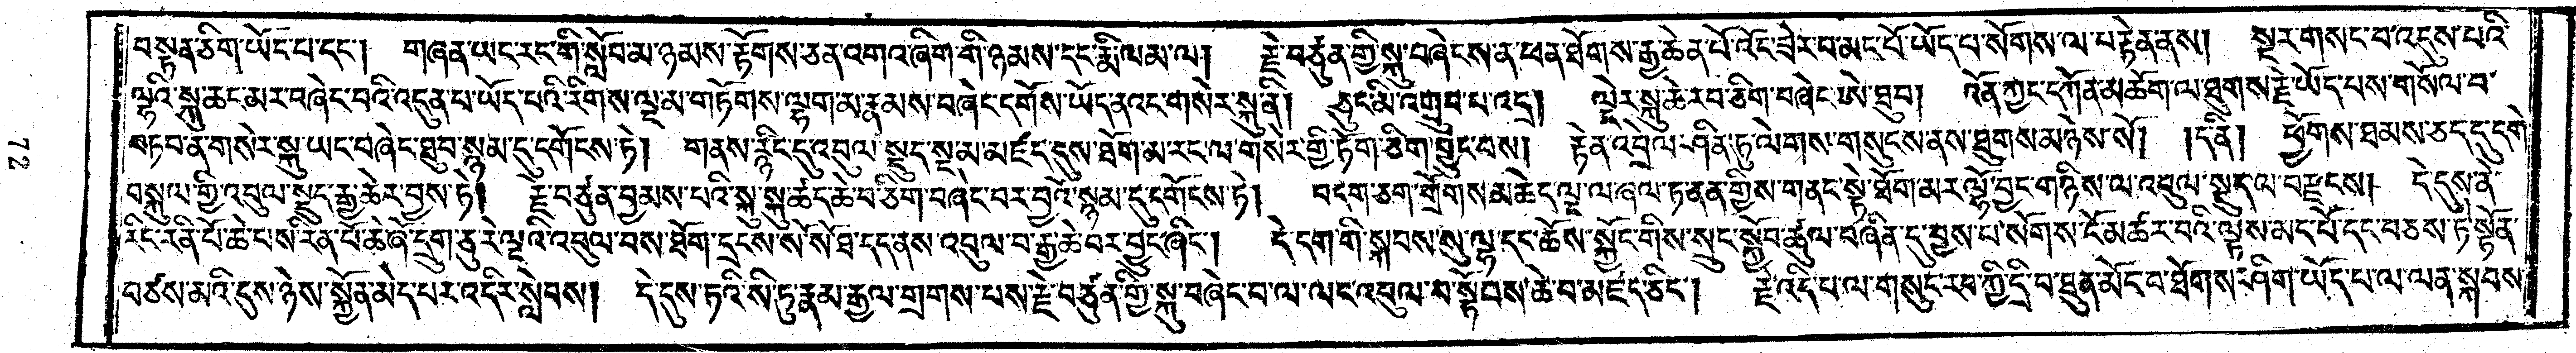བསྟན་ཅིག་ཡོང་པ་དང་། གཞན་ཡང་རང་གི་སློབ་མ་ཉམས་རྟོགས་ཅན་འགའ་ཞིག་གི་ཉམས་དང་རྨི་ལམ་ལ། རྗེ་བཙུན་གྱི་སྐུ་བཞེངས་ན་ཕན་ཐོགས་རྒྱ་ཆེན་པོ་འོང་ཟེར་བ་མང་པོ་ཡོད་པ་སོགས་ལ་བརྟེན་ནས། སྔར་གསང་བ་འདུས་པའི་
ལྷའི་སྐུ་ཆང་མར་བཞེང་པའི་འདུན་པ་ཡོད་པའི་རིགས་ལྔ་མ་གཏོགས་ལྷག་མ་རྣམས་བཞེང་དགོས་ཡོད་ནའང་གསེར་སྐུ་ནི། ཅུང་མི་འགྲུབ་པ་འདྲ། ལྡེར་སྐུ་ཆེ་རབ་ཅིག་བཞེང་ཨེ་ཐུབ། འོན་ཀྱང་དཀོན་མཆོག་ལ་ཐུགས་རྗེ་ཡོད་པས་གསོལ་བ་
བཏབ་ན་གསེར་སྐུ་ཡང་བཞེང་ཐུབ་སྙམ་དུ་དགོངས་ཏེ། གནས་རྙིང་དུ་འབུལ་སྡུད་སྔ་མ་མཛད་དུས་ཐོག་མ་རང་ལ་གསེར་གྱི་ཏོག་ཅིག་བྱུང་བས། རྟེན་འབྲེལ་ཤིན་ཏུ་ལེགས་གསུངས་ནས་ཐུགས་མཉེས་སོ། །ད་ནི། ཕྱོགས་ཐམས་ཅད་དུ་དགེ་
བསྐུལ་གྱི་འབུལ་སྡུད་རྒྱ་ཆེར་བྱས་ཏེ། རྗེ་བཙུན་བྱམས་པའི་སྐུ་སྐུ་ཚད་ཆེ་བ་ཅིག་བཞེང་བར་བྱའོ་སྙམ་དུ་དགོངས་ཏེ། བདག་ཅག་གྲོགས་མཆེད་ལྔ་ལ་ཞལ་ཏ་ནན་གྱིས་གནང་སྟེ་ཐོག་མར་ལྷོ་བྱང་གཉིས་ལ་འབུལ་སྡུད་ལ་བརྫངས། དེ་དུས་ནེ་
རིང་རིན་པོ་ཆེ་པས་རིན་པོ་ཆེ་ཞོ་དྲུག་ཅུ་རེ་ལྔའི་འབུལ་བས་ཐོག་དྲངས་སོ་སོ་ཐ་དད་ནས་འབུལ་བ་རྒྱ་ཆེ་བར་བྱུང་ཞིང་། དེ་དག་གི་སྐབས་སུ་ལྷ་དང་ཆོས་སྐྱོང་གིས་སྲུང་སྐྱོབ་ཚུལ་བཞིན་དུ་བྱས་པ་སོགས་ངོ་མཚར་བའི་ལྟས་མང་པོ་དང་བཅས་ཏེ་སྟོན་
བཙས་མའི་དུས་ཉེས་སྐྱོན་མེད་པར་འདིར་སླེབས། དེ་དུས་ཏའི་སི་ཏུ་རྣམ་རྒྱལ་གྲགས་པས་རྗེ་བཙུན་གྱི་སྐུ་བཞེང་བ་ལ་ལང་འབུལ་བ་སྟོབས་ཆེ་བ་མཛད་ཅིང་། རྗེ་འདི་པ་ལ་གསུང་རབ་ཀྱི་དྲི་བ་ཐུན་མོང་བ་ཐོགས་ཤིག་ཡོད་པ་ལ་ལན་སྐབས་